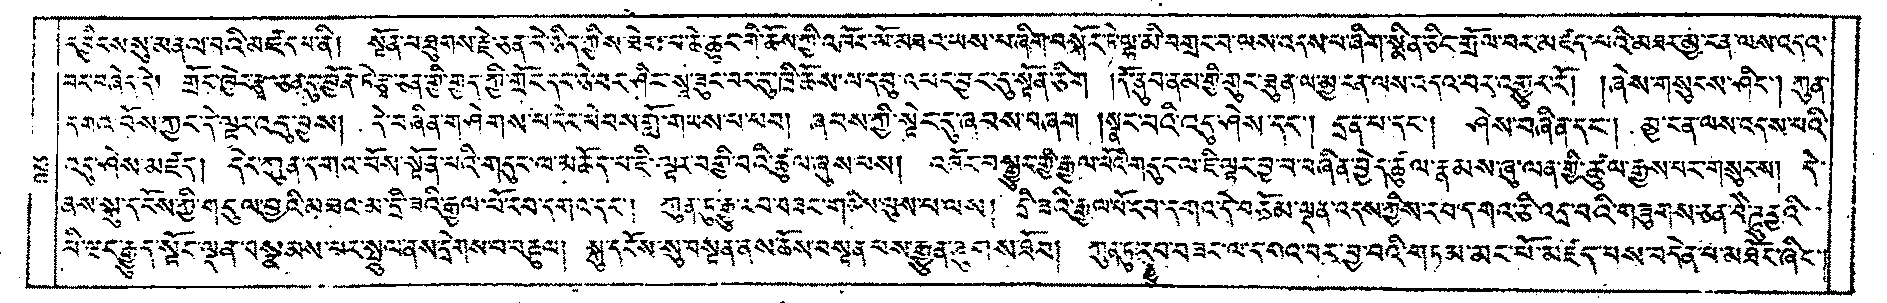དབྱིངས་སུ་མནལ་བའི་མཛད་པ་ནི། སྟོན་པ་ཐུགས་རྗེ་ཅན་དེ་ཉིད་ཀྱིས་ཐེག་པ་ཆེ་ཆུང་གི་ཆོས་ཀྱི་འཁོར་ལོ་མཐའ་ཡས་པ་ཞིག་བསྐོར་ཏེ་ལྷ་མི་བགྲང་བ་ལས་འདས་པ་ཞིག་སྨིན་ཅིང་གྲོལ་བར་མཛད་པའི་མཐར་མྱ་ངན་ལས་འདའ་
བར་བཞེད་དེ། གྲོང་ཁྱེར་རྩྭ་ཅན་དུ་བྱོན་ཏེ་རྩྭ་ཅན་གྱི་གྱད་ཀྱི་གྲོང་དང་ཉེ་བར་ཤིང་སཱ་ཟུང་བར་དུ་ཁྲི་ཆོས་ལ་དབུ་འཕང་བྱང་དུ་སྟོན་ཅིག །དོ་ནུབ་ནམ་གྱི་གུང་ཐུན་ལ་མྱ་ངན་ལས་འདའ་བར་འགྱུར་རོ། །ཞེས་གསུངས་ཤིང་། ཀུན་
དགའ་བོས་ཀྱང་དེ་ལྟར་འདུ་བྱས། དེ་བཞིན་གཤེགས་པ་དེར་ཕེབས་གློ་གཡས་པ་ཕབ། ཞབས་ཀྱི་སྟེང་དུ་ཞབས་བཞག །སྣང་བའི་འདུ་ཤེས་དང་། དྲན་པ་དང་། ཤེས་བཞིན་དང་། མྱ་ངན་ལས་འདས་པའི་
འདུ་ཤེས་མཛད། །དེར་ཀུན་དགའ་བོས་སྟོན་པའི་གདུང་ལ་མཆོད་པ་ཇི་ལྟར་བགྱི་བའི་ཚུལ་ཞུས་པས། འཁོར་བསྒྱུར་གྱི་རྒྱལ་པོའི་གདུང་ལ་ཇི་ལྟར་བྱ་བ་བཞིན་བྱེད་ཚུལ་རྣམས་ཞུ་ལན་གྱི་ཚུལ་རྒྱས་པར་གསུངས། དེ་
ནས་སྐུ་དངོས་ཀྱི་གདུལ་བྱའི་མཐའ་མ་དྲི་ཟའི་རྒྱལ་པོ་རབ་དགའ་དང་། ཀུན་ཏུ་རྒྱུ་རབ་བཟང་གཉིས་ལུས་པ་ལས། དྲི་ཟའི་རྒྱལ་པོ་རབ་དགའ་དེ་བཅོམ་ལྡན་འདས་ཀྱིས་རབ་དགའ་ཅི་འདྲ་བའི་གཟུགས་ཅན་བཻ་ཌཱུརྱའི་
པི་ཝང་རྒྱུད་སྟོང་ལྡན་བསྣམས་པར་སྤྲུལ་ནས་དྲེགས་པ་བརྟུལ། སྐུ་དངོས་སུ་བསྟན་ནས་ཆོས་བསྟན་པས་རྒྱུན་ཞུགས་ཐོ་བ། ཀུན་ཏུ་རྒྱུ་རབ་བཟང་ལ་དགའ་བར་བྱ་བའི་གཏམ་མང་པོ་མཛད་པས་བདེན་པ་མཐོང་ཞིང་།